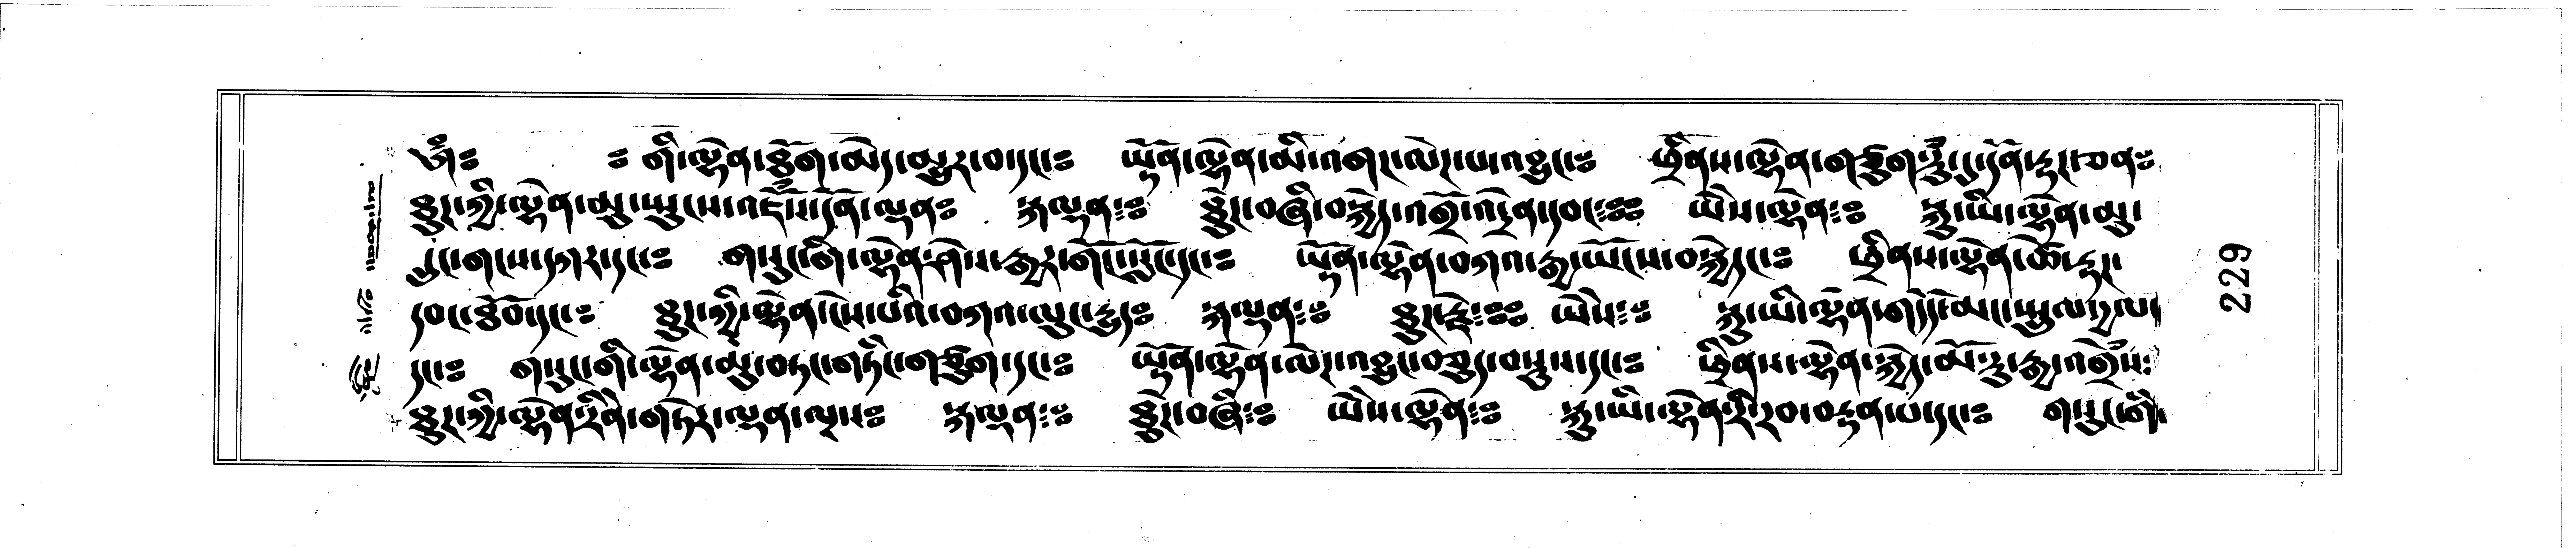གི་ལྷ་ཆེན་ཐོགས་མེད་མྱུར་བ་དངཿ ཡོན་ཏན་ལྷ་ཆེན་མི་འགག་ལེགས་པ་འབྱུངཿ ཕྲིན་ལས་ལྷ་ཆེན་གཙུག་རུམ་དོན་རྟགས་ཅནཿ
 ཐུགས་ཀྱི་ལྷ་ཆེན་མུ་སྤུངས་འཇོམས་དང་ལྡནཿ སྐལ་ལྡན་སློབ་མ་རྣམས་ལ་དབང་བསྐུར་བསཿ ཐུགས་རྗེ་བཞི་བསྐྱེད་འགྲོ་འདྲེན་དབང་ཐོབ་ཤོགཿ ཡེ་ཤེས་ལྷ་ཆེན་ཐུགས་རྗེ་ལས་བསྐྱེད་པའིཿ སྐུ་ཡི་ལྷ་ཆེན་མུ་
དྲུང་གངས་དཀར་དངཿ གསུང་གི་ལྷ་ཆེན་ཤེས་རྒྱར་གོང་སློང་དངཿ ཡོན་ཏན་ལྷ་ཆེན་བཀའ་རྒྱ་ཡོངས་བསྐྱེད་དངཿ ཕྲིན་ལས་ལྷ་ཆེན་ཚེ་རྟགས་
དབང་ཐོབ་དངཿ ཐུགས་ཀྱི་ལྷ་ཆེན་ངེས་པའི་བཀའ་ལུང་བརྒྱུདཿ སྐལ་ལྡན་སློབ་མ་རྣམས་ལ་དབང་བསྐུར་བསཿ ཐུགས་རྗེ་བཞི་བསྐྱེད་འགྲོ་འདྲེན་དབང་ཐོབ་ཤོགཿ ཡེ་ཤེས་ལྷ་ཆེན་ཐུགས་རྗེ་ལས་བསྐྱེད་པའིཿསྐུ་ཡི་ལྷ་ཆེན་གདོད་མང་སྤྲུལ་རྒྱལ་
དངཿ གསུང་གི་ལྷ་ཆེན་མུ་བཏང་གཏིང་གཙུག་དངཿ ཡོན་ཏན་ལྷ་ཆེན་ལེགས་འབྱུང་བཅུད་སྡུད་དངཿ ཕྲིན་ལས་ལྷ་ཆེན་སྐྱེད་མོ་རུ་བརྒྱ་འདྲེནཿ 
ཐུགས་ཀྱི་ལྷ་ཆེན་རིན་ཆེན་གཏེར་ལྡན་ལྔསཿ སྐལ་ལྡན་སློབ་མ་རྣམས་ལ་དབང་བསྐུར་བསཿ ཐུགས་རྗེ་བཞི་བསྐྱེད་འགྲོ་འདྲེན་དབང་ཐོབ་ཤོགཿ ཡེ་ཤེས་ལྷ་ཆེན་ཐུགས་རྗེ་ལས་བསྐྱེད་པའིཿ སྐུ་ཡི་ལྷ་ཆེན་རི་རབ་བརྟན་པ་དངཿ གསུང་གི་